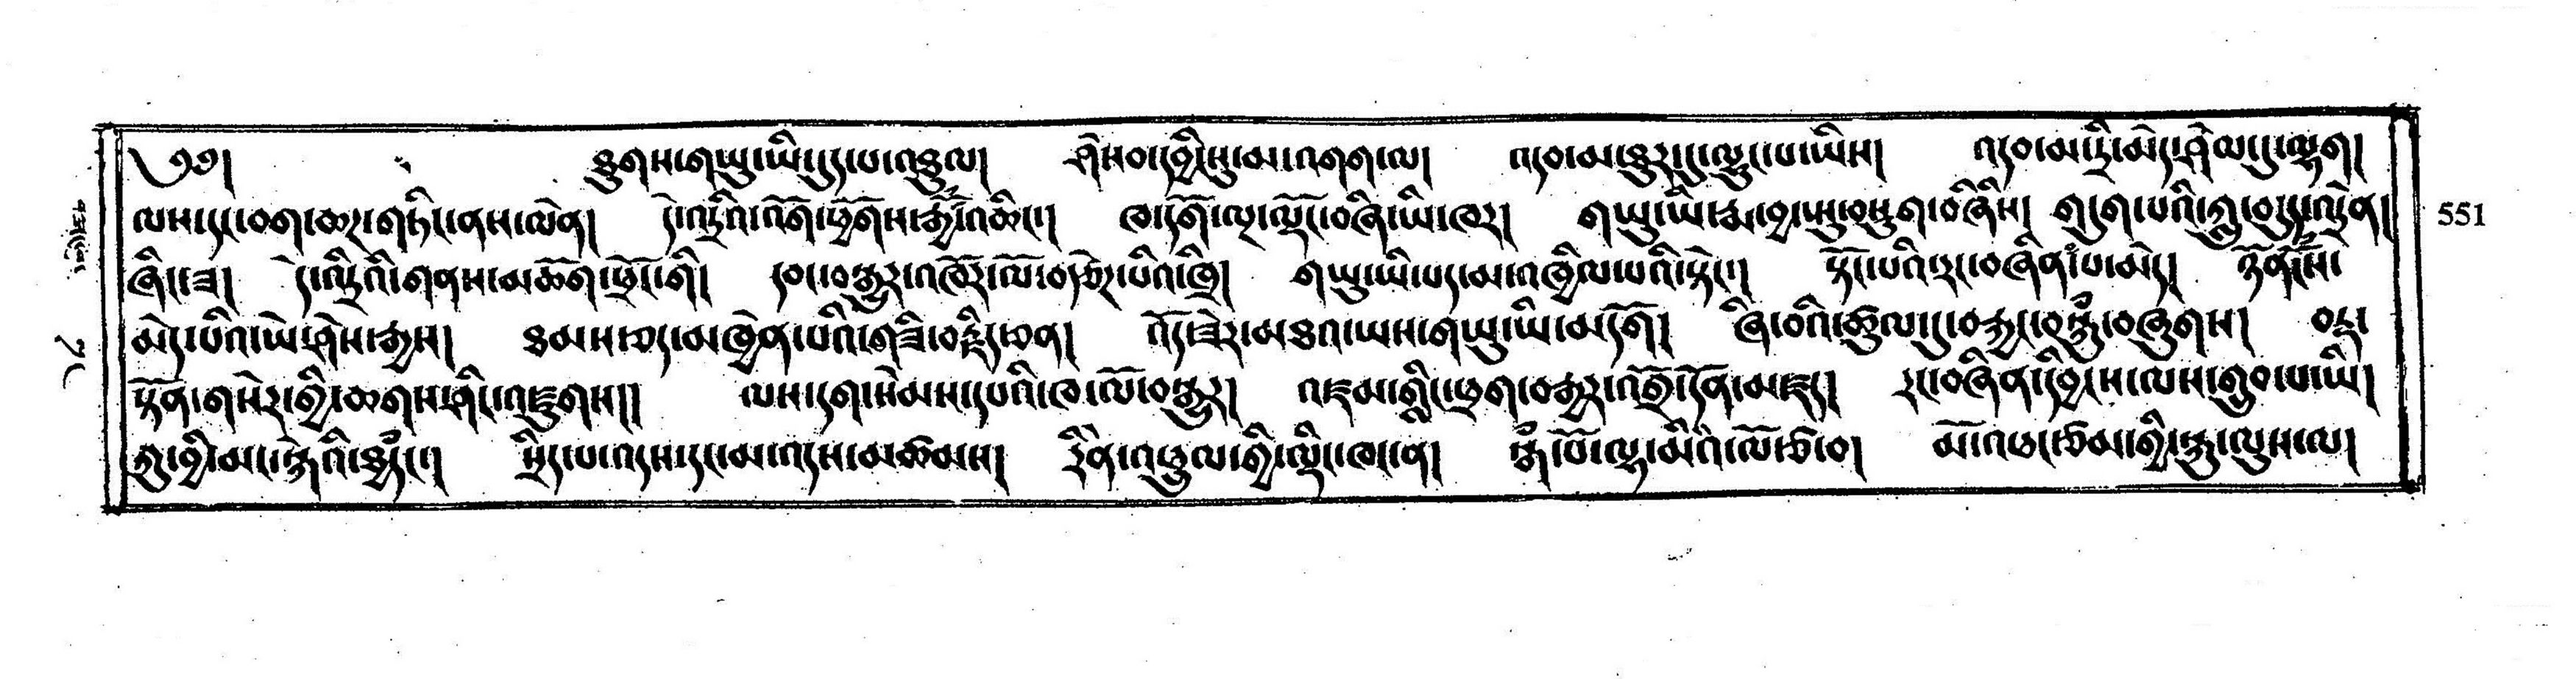ཐུགས་༼རྗེ་༽གཡུ་ཡི་དུད་པ་འཐུལ། ཤེས་རབ་དབྱིངས་སུ་མ་འགག་ལ། འདབ་མ་ཐུར་དུ་ལྷུང་པ་ཡིས། འདབ་མ་དྲི་མེད་ཤེལ་དུ་ལྷག། 
ལས་དང་བག་ཆགས་གཏིང་ནས་ལེན། དེ་འདྲའི་འོག་ཕྱོགས་རྒྱ་མཚོ་འཆིང་། ཁ་དོག་ལྔ་ལྡོང་བཞི་ཡི་ཁར། གཡུ་ཡི་རྨ་བྱ་སྤུ་བསྡུག་བཞིའི། གདུག་པའི་ཀླུ་བདུད་འདྲེན་
ཞིང་ཟ། དེ་འདྲའི་གནས་མཆོག་ཕོ་བྲང་གི། དབང་བསྒྱུར་འཁོར་ལོ་བརྩེགས་པའི་ཁྲི། གཡུ་ཡི་པད་མ་འཁྱིལ་པའི་སྟེང་། སྟོང་པའི་རང་བཞིན་ཟག་པ་མེད། ཉོང་མོངས་
མེད་པའི་ཡེ་ཤེས་རྒྱས། ཐམས་ཅད་མཁྱེན་པའི་གཟི་བརྗིད་ཅན། འོད་ཟེར་མཐའ་ཡས་གཡུ་ཡི་མདོག ཞི་བའི་ཚུལ་དུ་བརྐྱང་བསྐུམ་བཞུགས། བརྡ་
སྟོན་གསེར་གྱི་ཆགས་ཤིང་འཛུགས།། ལས་དག་སེམས་དཔའི་ཁ་ལོ་བསྒྱུར། འཛམ་གླིང་ཕྲག་བརྒྱར་འགྲོ་དོན་མཛད། རང་བཞིན་དབྱིངས་ལས་གྲུབ་པ་ཡི། 
ཀུ་བྱི་མང་སྐེའི་ཐུགས་དམ་བསྐང་། སྲིད་པ་འདས་དང་མ་འདས་མཚམས། རིན་ཆེན་འཕྲུལ་གྱི་ལྡིང་ཁང་ན། སྒམ་པོ་ལྷ་མིའི་ལོ་ཙ་བ། མོ་འཕང་ཙམ་གྱི་སྐུ་ལུས་ལ།